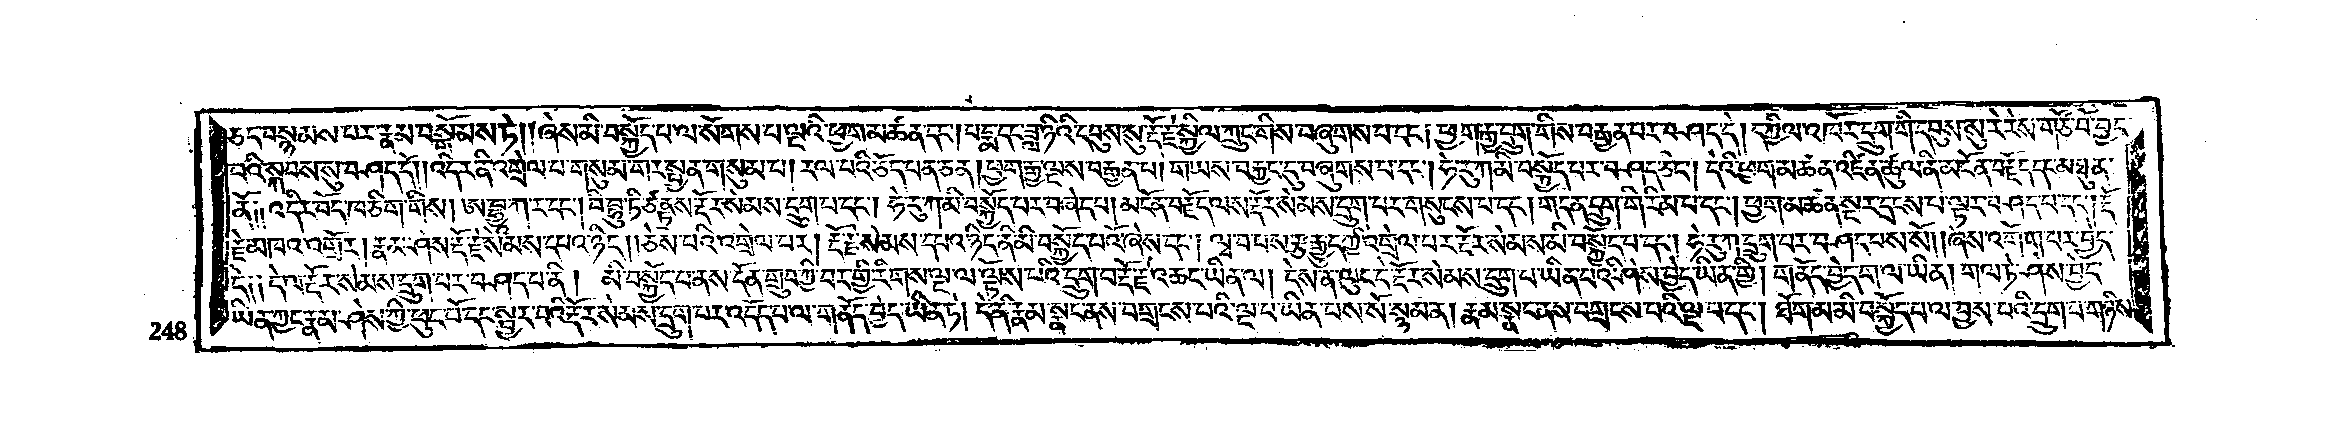ཅད་བསྙོམས་པར་རྣམ་བསྒོམས་ཏེ། །ཞེས་མི་བསྐྱོད་པ་ལ་སོགས་པ་ལྔའི་ཕྱག་མཚན་དང་། པདམ་དང་ཟླ་ཉིའི་དབུས་སུ་རྡོ་རྗེ་སྐྱིལ་ཀྲུང་གིས་བཞུགས་པ་དང་། ཕྱག་རྒྱ་དྲུག་གིས་བརྒྱན་པར་བཤད་དེ། དཀྱིལ་འཁོར་དྲུག་གི་དབུས་སུ་རེ་རེས་གཙོ་བོ་བྱེད་
པའི་སྐབས་སུ་བཤད་དོ། །འདིར་ནི་འགྲེལ་པ་གསུམ་གར་སྤྱན་གསུམ་པ། རལ་པའི་ཅོད་པན་ཅན། ཕྱག་རྒྱ་ལྔས་བརྒྱན་པ། གཡས་བརྐྱང་དུ་བཞུགས་པ་དང་། ཧེ་རུ་ཀ་མི་བསྐྱོད་པར་བཤད་ཅིང་། དེའི་ཕྱག་མཚན་འཛིན་ཚུལ་ནི་མངོན་བརྗོད་དང་མཐུན་
ནོ། །འདིར་བོད་ཁ་ཅིག་གིས། ཨ་བྷྱཱ་ཀ་ར་དང་། བི་བྷུ་ཏི་ཙནྟྲས་རྡོར་སེམས་དྲུག་པ་དང་། ཧེ་རུ་ཀ་མི་བསྐྱོད་པར་བཞེད་པ། མངོན་བརྗོད་ལས་རྡོར་སེམས་དྲུག་པར་གསུངས་པ་དང་། གདན་དྲུག་གི་རིམ་པ་དང་། ཕྱག་མཚན་སྔར་དྲངས་པ་ལྟར་བཤད་པ་དང་། རྡོ་
རྗེ་མཁའ་འགྲོར། རྣམ་ཤེས་རྡོ་རྗེ་སེམས་དཔའ་ཉིད། །ཅེས་པའི་འགྲེལ་པར། རྡོ་རྗེ་སེམས་དཔའ་ཉིད་ནི་མི་བསྐྱོད་པའོ་ཞེས་དང་། ལྭ་བ་པས་རྩ་རྒྱུད་ཀྱི་འགྲེལ་པར་རྡོར་སེམས་མི་བསྐྱོད་པ་དང་། ཧེ་རུ་ཀ་དྲུག་པར་བཤད་པས་སོ། །ཞེས་འགོག་པར་བྱེད་
དེ། །དེ་ལ་རྡོར་སེམས་དྲུག་པར་བཤད་པ་ནི། མི་བསྐྱོད་པ་ནས་དོན་གྲུབ་ཀྱི་བར་གྱི་རིགས་ལྔ་ལ་ལྟོས་པའི་དྲུག་པ་རྡོ་རྗེ་འཆང་ཡིན་ལ། དེས་ན་ལུང་དེ་རྡོར་སེམས་དྲུག་པ་ཡིན་པའི་ཤེས་བྱེད་ཡིན་གྱི། གནོད་བྱེད་ག་ལ་ཡིན། གལ་ཏེ་ཤེས་བྱེད་
ཡིན་ཀྱང་རྣམ་ཤེས་ཀྱི་ཕུང་པོ་དང་སྦྱར་བའི་རྡོར་སེམས་དྲུག་པར་འདོད་པ་ལ་གནོད་བྱེད་ཡིན་ཏེ། དེ་ནི་རྣམ་སྣང་ནས་བགྲངས་པའི་ལྔ་པ་ཡིན་པས་སོ་སྙམ་ན། རྣམ་སྣང་ནས་བགྲངས་པའི་ལྔ་པ་དང་། ཐོག་མ་མི་བསྐྱོད་པ་ལ་བྱས་པའི་དྲུག་པ་གཉིས་